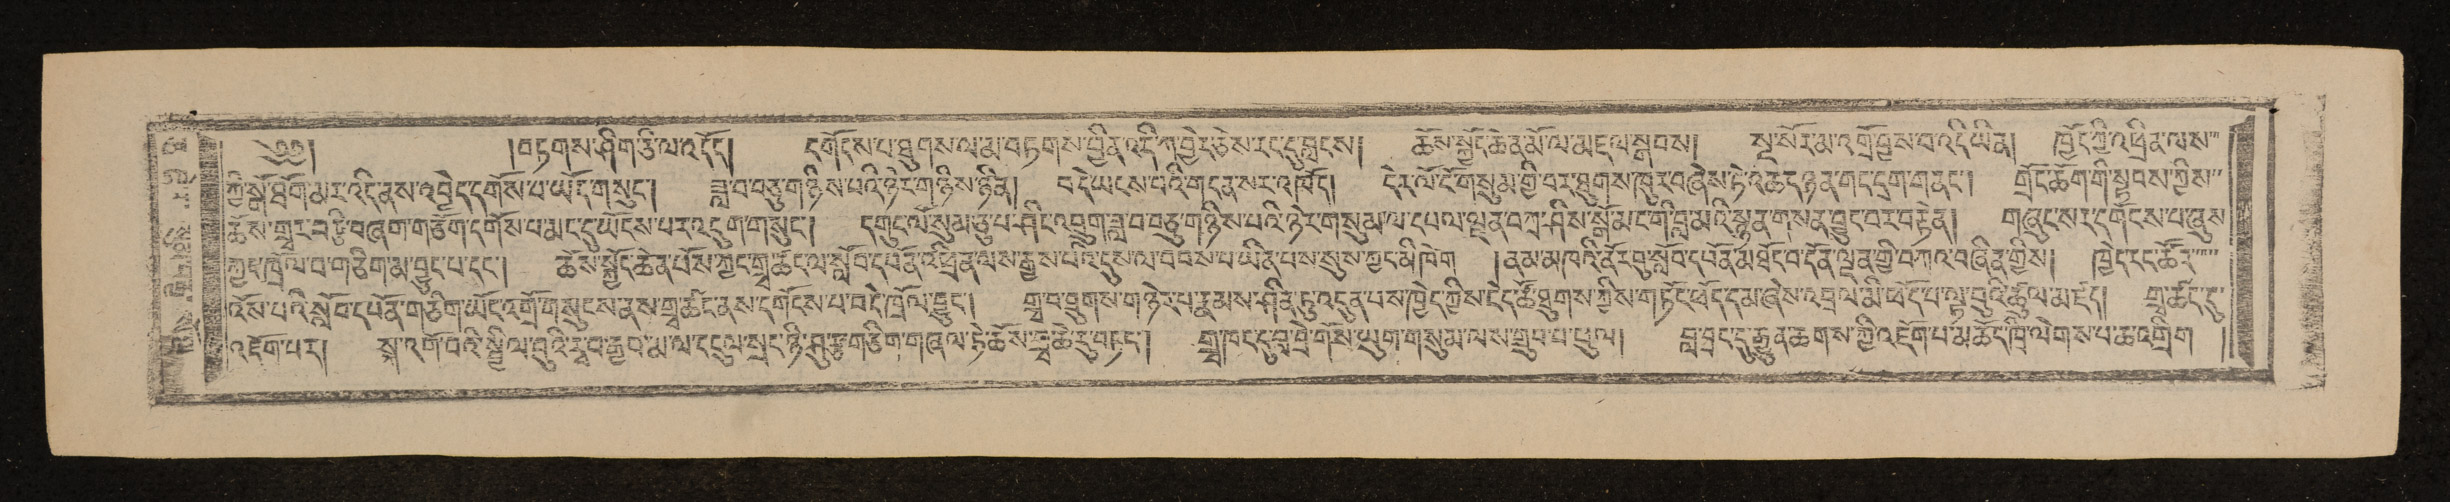༄༅། །བཏགས་ཤིག་ཅི་ལ་འདོད། དགོངས་པ་ཐུགས་ལ་མ་བཏགས་ཕྱིན་འདི་ཀ་བྱེད་ཅེས་དང་དུ་བླངས། ཆོས་སྐྱོང་ཆེན་མོ་ལ་མཇལ་སྐབས། སྔ་སོར་མ་འགྲོ་བྱས་པ་འདི་ཡིན། ཁྱོད་ཀྱི་འཕྲིན་ལས་
ཀྱི་སྒོ་ཐོག་མར་འདི་ནས་འབྱེད་དགོས་པ་ཡོད་གསུང་། ཟླ་བ་བཅུ་གཉིས་པའི་ཉེར་གཉིས་ཉིན། བདེ་ཡངས་པའི་གདན་སར་འཁོད། དེར་ལོ་ངོ་གསུམ་གྱི་བར་ཐུགས་ཁུར་བཞེས་ཏེ་འཆད་ཉན་གང་དྲག་གནང་། གྲོང་ཆོག་གི་སྟབས་ཀྱིས་
ཆོས་གྲྭར་བརྩི་བཞག་གཅོག་དགོས་པ་མང་དུ་ཡོངས་པར་འདུག་གསུང་། དགུང་ལོ་སུམ་ཅུ་པ་ཤིང་འབྲུག་ཟླ་བ་བཅུ་གཉིས་པའི་ཉེར་གསུམ་ལ་དཔལ་ལྡན་བཀྲ་ཤིས་སྒོ་མང་གི་བླ་མའི་སྙན་གསན་བྱུང་བར་བརྟེན། གཞུང་སར་དགོངས་པ་ཞུས་
ཀྱང་ཁྲོལ་བ་གཅིག་མ་བྱུང་བ་དང་། ཆོས་སྐྱོང་ཆེན་པོས་ཀྱང་གྲྭ་ཚང་ལ་སློབ་དཔོན་འཕྲིན་ལས་རྒྱས་པའི་དུས་ལ་བབས་པ་ཡིན་པས་སུས་ཀྱང་མི་ཁེག །ནམ་མཁའི་ནོར་བུ་སློབ་དཔོན་མཐོང་བ་དོན་ལྡན་གྱི་བཀའ་བཞིན་གྱིས། ཁྱེད་རང་ཚོར་
འོས་པའི་སློབ་དཔོན་གཅིག་ཡོང་འགྲོ་གསུངས་ནས་གྲྭ་ཚང་ནས་དགོངས་པ་བདེ་ཁྲོལ་བྱུང་། གྲྭ་བ་ཐུགས་གཉེར་བ་རྣམས་ཤིན་ཏུ་འདུན་པས་ཁྱེད་ཀྱིས་ངེད་ཚོ་ཐུགས་ཀྱིས་གཏོང་ཕོད་དམ་ཞེས་འབྲལ་མི་ཕོད་པ་ལྟ་བུའི་ཚུལ་མཛད། གྲྭ་ཚང་དུ་
འཇོག་པར། སྐ་འགོ་བའི་སྤྱིལ་བུའི་རྭ་བ་རྒྱབ་མ་ལ་དངུལ་སྲང་ཉི་ཤུ་རྩ་གཅིག་གཞལ་ཏེ་ཆོས་གྲྭ་ཆེ་རུ་བཏང་། གྲྭ་ཁང་དུ་བླ་བྲེ་གོས་ཡུག་གསུམ་ལས་གྲུབ་པ་ཕུལ། བླ་བྲང་དུ་རྒྱུན་ཆགས་ཀྱི་འཇོག་པ་མཆོད་ཁྲི་ལེགས་པ་ཆ་འགྲིག །